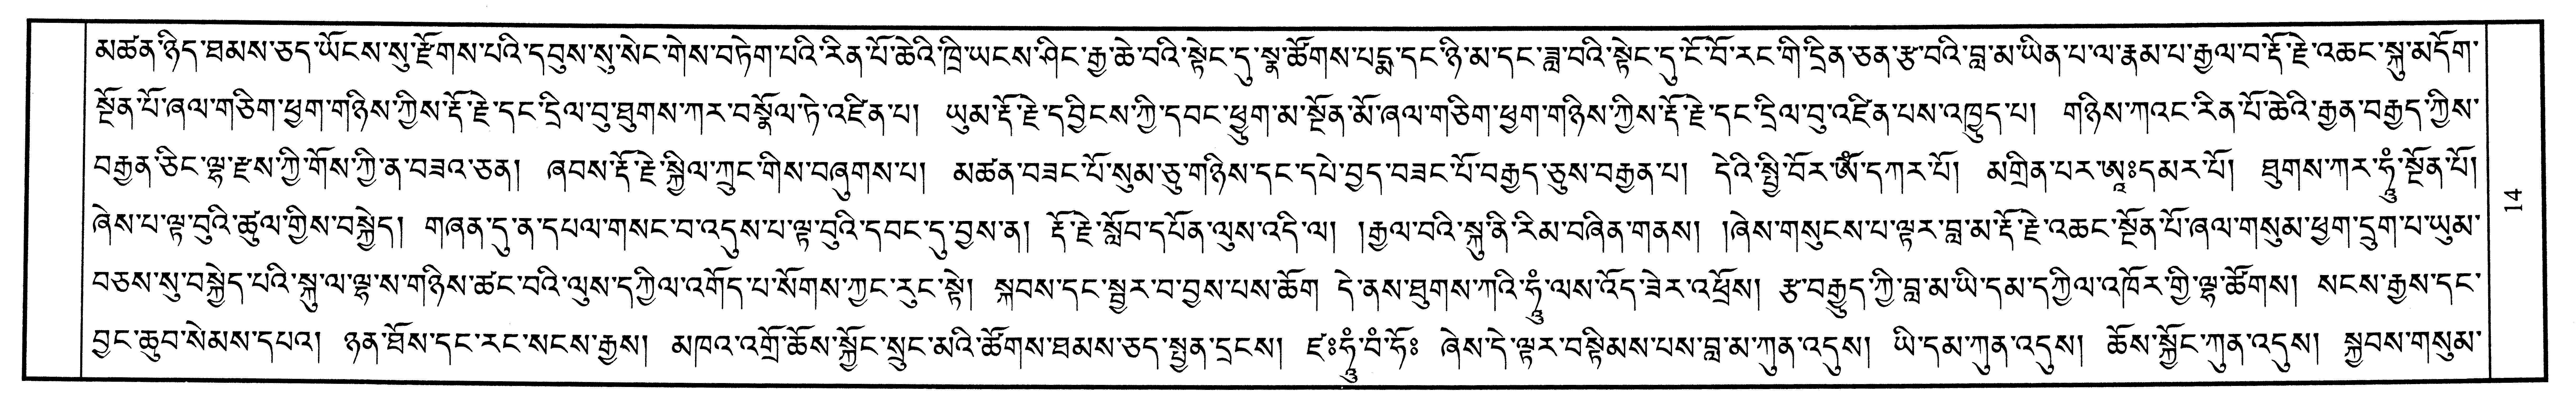མཚན་ཉིད་ཐམས་ཅད་ཡོངས་སུ་རྫོགས་པའི་དབུས་སུ་སེང་གེས་བཏེག་པའི་རིན་པོ་ཆེའི་ཁྲི་ཡངས་ཤིང་རྒྱ་ཆེ་བའི་སྟེང་དུ་སྣ་ཚོགས་པདམ་དང་ཉི་མ་དང་ཟླ་བའི་སྟེང་དུ་ངོ་བོ་རང་གི་དྲིན་ཅན་རྩ་བའི་བླ་མ་ཡིན་པ་ལ་རྣམ་པ་རྒྱལ་བ་རྡོ་རྗེ་འཆང་སྐུ་མདོག་
སྔོན་པོ་ཞལ་གཅིག་ཕྱག་གཉིས་ཀྱིས་རྡོ་རྗེ་དང་དྲིལ་བུ་ཐུགས་ཀར་བསྣོལ་ཏེ་འཛིན་པ། ཡུམ་རྡོ་རྗེ་དབྱིངས་ཀྱི་དབང་ཕྱུག་མ་སྔོན་མོ་ཞལ་གཅིག་ཕྱག་གཉིས་ཀྱིས་རྡོ་རྗེ་དང་དྲིལ་བུ་འཛིན་པས་འཁྱུད་པ། གཉིས་ཀའང་རིན་པོ་ཆེའི་རྒྱན་བརྒྱད་ཀྱིས་
བརྒྱན་ཅིང་ལྷ་རྫས་ཀྱི་གོས་ཀྱི་ན་བཟའ་ཅན། ཞབས་རྡོ་རྗེ་སྐྱིལ་ཀྲུང་གིས་བཞུགས་པ། མཚན་བཟང་པོ་སུམ་ཅུ་གཉིས་དང་དཔེ་བྱད་བཟང་པོ་བརྒྱད་ཅུས་བརྒྱན་པ། དེའི་སྤྱི་བོར་ཨོཾ་དཀར་པོ། མགྲིན་པར་ཨཱཿ དམར་པོ། ཐུགས་ཀར་ཧཱུཾ་སྔོན་པོ།
ཞེས་པ་ལྟ་བུའི་ཚུལ་གྱིས་བསྐྱེད། གཞན་དུ་ན་དཔལ་གསང་བ་འདུས་པ་ལྟ་བུའི་དབང་དུ་བྱས་ན། རྡོ་རྗེ་སློབ་དཔོན་ལུས་འདི་ལ། །རྒྱལ་བའི་སྐུ་ནི་རིམ་བཞིན་གནས། །ཞེས་གསུངས་པ་ལྟར་བླ་མ་རྡོ་རྗེ་འཆང་སྔོན་པོ་ཞལ་གསུམ་ཕྱག་དྲུག་པ་ཡུམ་
བཅས་སུ་བསྐྱེད་པའི་སྐུ་ལ་ལྷ་ས་གཉིས་ཚང་བའི་ལུས་དཀྱིལ་འཁོར་འགོད་པ་སོགས་ཀྱང་རུང་སྟེ། སྐབས་དང་སྦྱར་བ་བྱས་པས་ཆོག་དེ་ནས་ཐུགས་ཀའི་ཧཱུཾ་ལས་འོད་ཟེར་འཕྲོས། རྩ་བརྒྱུད་ཀྱི་བླ་མ་ཡི་དམ་དཀྱིལ་འཁོར་གྱི་ལྷ་ཚོགས། སངས་རྒྱས་དང་
བྱང་ཆུབ་སེམས་དཔའ། ཉན་ཐོས་དང་རང་སངས་རྒྱས། མཁའ་འགྲོ་ཆོས་སྐྱོང་སྲུང་མའི་ཚོགས་ཐམས་ཅད་སྤྱན་དྲངས། ཛཿ ཧཱུཾ་བཾ་ཧོཿ ཞེས་དེ་ལྟར་བསྟིམས་པས་བླ་མ་ཀུན་འདུས། ཡི་དམ་ཀུན་འདུས། ཆོས་སྐྱོང་ཀུན་འདུས། སྐྱབས་གསུམ་